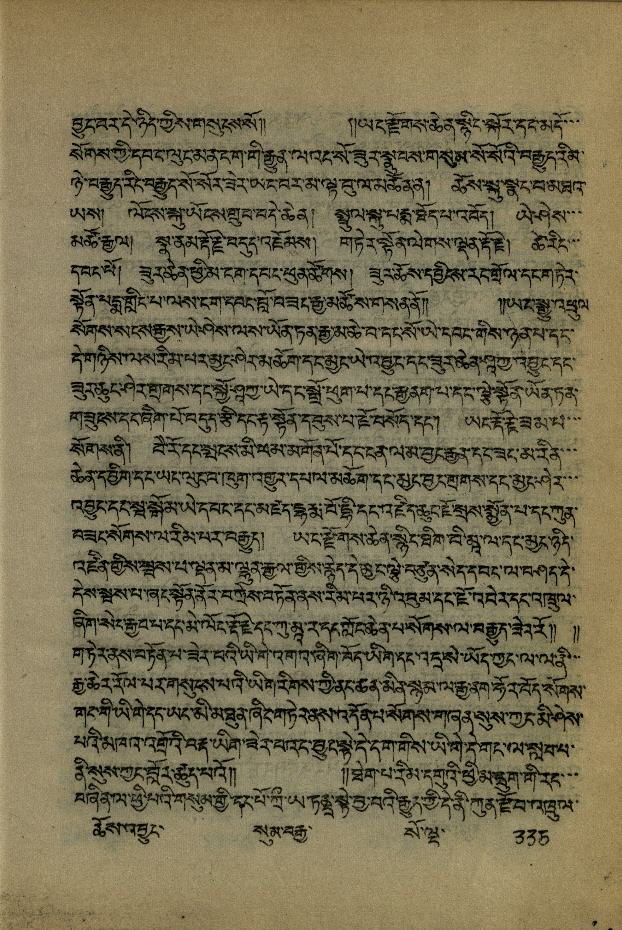བྱུང་བར་དེ་ཉིད་ཀྱིས་གསུངས་སོ།། །།ཡང་རྫོགས་ཆེན་སྙིང་སྐོར་དང་མདོ་
སོགས་ཀྱི་དབང་ལུང་མན་ངག་གི་རྒྱུན་ལའང་སོ་ཟུར་སྣུབས་གསུམ་སོ་སོའི་བརྒྱུད་རིམ་
ཉེ་བརྒྱུད་རིང་བརྒྱུད་སོ་སོར་ཟེར་ཡང་བར་མ་ལྟ་བུ་ལ་མཚོན་ན། ཆོས་སྐུ་སྣང་བ་མཐའ་
ཡས། ལོངས་སྐུ་ཡོངས་གྲུབ་བདེ་ཆེན། སྤྲུལ་སྐུ་པདམ་ཐོད་པ་འབོད། ཡེ་ཤེས་
མཚོ་རྒྱལ། སྣ་ནམ་རྡོ་རྗེ་བདུད་འཇོམས། གཏེར་སྟོན་ལེགས་ལྡན་རྡོ་རྗེ། ཚེ་རིང་
དབང་པོ། ཟུར་ཆེན་ཕྱི་མ་ངག་དབང་ཕུན་ཚོགས། ཟུར་ཆོས་དབྱིངས་རང་གྲོལ་དང་གཏེར་
སྟོན་པདམ་གླིང་པ་ལས་ངག་དབང་བློ་བཟང་རྒྱ་མཚོས་གསན་ནོ། ། །།ཡང་སྒྱུ་འཕྲུལ་
སོགས་སངས་རྒྱས་ཡེ་ཤེས་ལས་ཡོན་ཏན་རྒྱ་མཆེ་བ་དང་སོ་ཡེ་དབང་གིས་ཉེན་པ་དང་
དེ་གཉིས་ལས་རིམ་པར་མྱང་ཤེར་མཆོག་དང་མྱང་ཡེ་འབྱུང་དང་ཟུར་ཆེན་ཤཱཀྱ་འབྱུང་དང་
ཟུར་ཆུང་ཤེར་གྲགས་དང་སྐྱོ་ཤཱཀྱ་ཡེ་དང་སྒྲོ་ཕུག་པ་དང་རྒྱ་ནག་པ་དང་ལྕེ་སྟོན་ཡོན་ཏན་
གཟུངས་དང་ཞིག་པོ་བདུད་རྩི་དང་རྟ་སྟོན་དབུས་པ་ཇོ་བསོད་དང་། ཡང་རྡོ་རྗེ་ཟམ་པ་
སོགས་ནི། བཻ་རོ་དང་སྤངས་མི་ཕམ་མགོན་པོ་དང་ངན་ལམ་བྱང་རྒྱན་དང་ཟང་མ་རིན་
ཆེན་དབྱིག་དང་ཡང་ལུང་བ་ཁུག་འགྱུར་དཔལ་མཆོག་དང་མྱང་བྱང་གྲགས་དང་མྱང་ཤེར་
འབྱུང་དང་སྦ་སྒོམ་ཡེ་དབང་དང་མཛད་དྷརྨ་བོ་དྷི་དང་འཛིད་ཆུང་ཇོ་སྲས་སྨྱོན་པ་དང་ཀུན་
བཟང་སོགས་ལ་རིམ་པར་བརྒྱུད། ཡང་རྫོགས་ཆེན་སྙིང་ཐིག་བི་མཱ་ལ་དང་མྱང་ཉིད་
འཛིན་གྱིས་སྦས་པ་ལྡན་མ་ལྷུན་རྒྱལ་གྱིས་རྙེད་དེ་མྱང་ལྕེ་བཙུན་སྡེ་དབང་ལ་བཤད་དེ་
དེས་སྦས་པ་ཞང་སྟོན་ནོར་བཀྲེས་བཏོན་ནས་རིམ་པར་ཉི་འབུམ་དང་ཇོ་འབེར་དང་འཁྲུལ་
ཞིག་སེང་རྒྱབ་པ་དང་མེ་ལོང་རྡོ་རྗེ་དང་ཀུ་མཱ་ར་དང་ཀློང་ཆེན་པ་སོགས་ལ་བརྒྱུད་ཟེར་རོ།། །།
གཏེར་ནས་བཏོན་པ་ཟེར་བའི་ཡི་གེ་འགའ་ཞིག་བོད་ཡིག་དང་འདྲ་སེ་ཡོད་ཀྱང་ལ་ལ་ནི་
རྒྱ་ཆེར་རོལ་པར་གསུངས་པའི་ཡིག་རིགས་ཀྱི་ནང་ཚན་མིན་སྙམ་ལ་རྒྱ་ནག་ཧོར་བོད་སོགས་
གང་གི་ཡེ་གེ་དང་ཡང་མི་མཐུན་ཞིང་གཏེར་ནས་འདོན་པ་སོགས་གཞན་སུས་ཀྱང་མི་ཤེས་
པའི་མཁའ་འགྲོའི་བརྡ་ཡིག་ཟེར་བའང་བྱུང་སྟེ་དེ་དག་གིས་ཡི་གེ་དེ་གང་ལ་སླབ་པ་
ནི་སུས་ཀྱང་བློར་ཚུད་པའོ།། །།ཐེག་པ་རིམ་དགུའི་ཕྱི་མ་དྲུག་གི་རང་
བཞིན་ལ་ཕྱི་པའི་གསུམ་གྱི་དང་པོ་ཀྲྀ་ཡ་ཏནྡྲ་སྟེ་བྱ་བའི་རྒྱུད་ཀྱི་དེ་ནི་ཀུན་རྫོབ་འཁྲུལ་